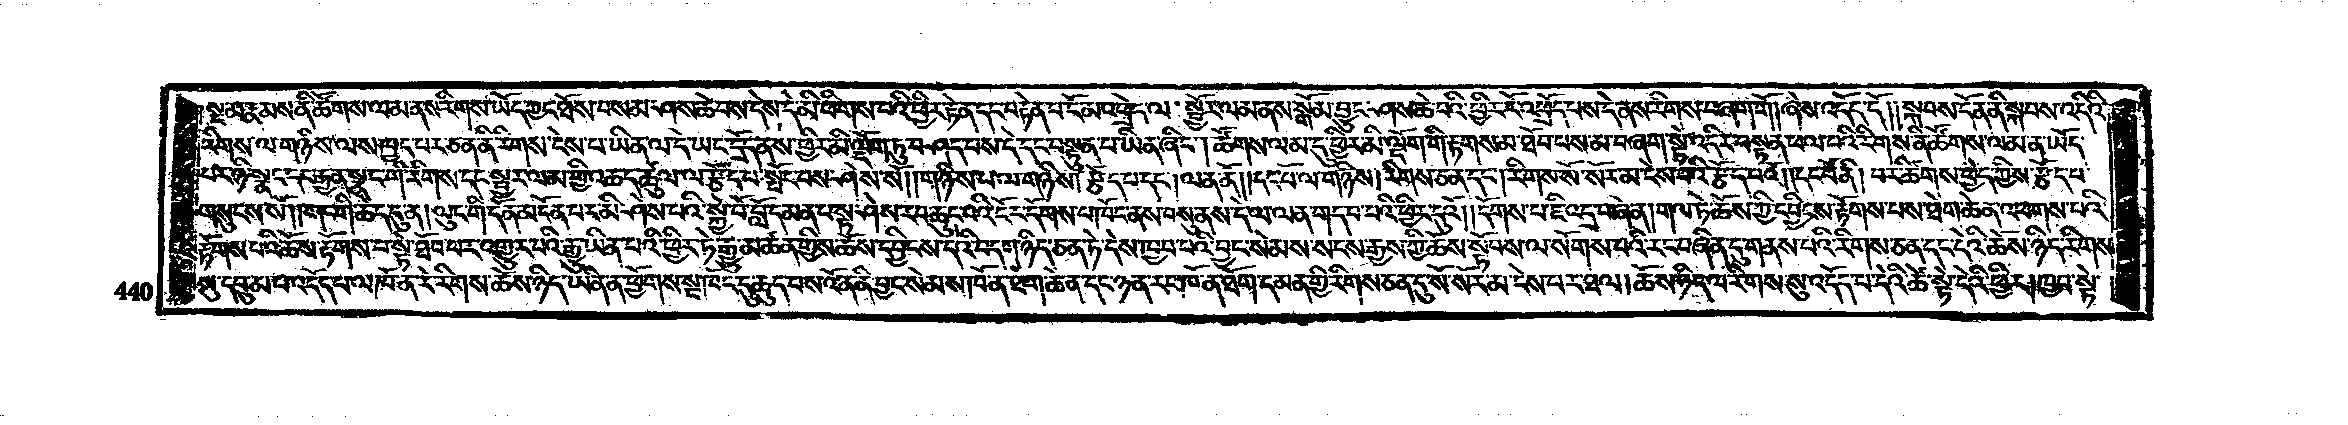སྔ་མ་རྣམས་ནི་ཚོགས་ལམ་ནས་རིགས་ཡོད་ཀྱང་ཐོས་བསམ་ཤས་ཆེ་བས་དེས་དེ་མི་ཕིགས་པའི་ཕྱིར་རྟེན་དང་བརྟེན་པ་ངོ་མ་འཕྲོད་ལ། སྦྱོར་ལམ་ནས་སྒོམ་བྱུང་ཤས་ཆེ་བའི་ཕྱིར་ངོ་འཕྲོད་པས་དེ་ནས་རིགས་བཞག་གོ །ཞེས་འདོད་དོ། །སྐབས་དོན་ནི་སྐབས་འདིའི་
རིགས་ལ་གཉིས་ལས་ཁྱད་པར་ཅན་ནི་རིགས་ངེས་པ་ཡིན་ལ་དེ་ཡང་དྲོད་ནས་ཕྱིར་མི་ལྡོག་ཏུ་བཤད་པས་དེ་དང་བསྟུན་པ་ཡིན་ཞིང་། ཚོགས་ལམ་དུ་ཕྱིར་མི་ལྡོག་གི་རྟགས་མ་ཐོབ་པས་མ་བཞག་སྟེ་འདིར་བསྟན་ཕལ་པའི་རིགས་ནི་ཚོགས་ལམ་ན་ཡོད་
པར་ཉི་སྣང་དང་རྒྱན་སྣང་གི་རིགས་དང་སྦྱར་ལམ་གྱི་འཆད་ཚུལ་ལ་རྩོད་པ་སྤོང་བས་ཤེས་སོ། །གཉིས་པ་ལ་གཉིས། རྩོད་པ་དང་། ལན་ནོ། །དང་པོ་ལ་གཉིས། རིགས་ཅན་དང་། རིགས་སོ་སོར་མ་ངེས་པའི་རྩོད་པའོ། །དང་པོ་ནི། བར་ཚིགས་ཕྱེད་ཀྱིས་རྩོད་པ་
གསུངས་སོ། །གང་གི་ཆེད་དུ་ན། ལུང་གི་དོན་མངོན་པར་མི་ཤེས་པའི་སྐྱེ་བོ་བློ་དམན་པ་སྟེ་ཤེས་རབ་ཆུང་བའི་ངོར་དོགས་པ་ཁོང་ནས་བསུ་ནས་དེ་ལ་ལན་གདབ་པའི་ཕྱིར་དུའོ། །དོགས་པ་ཇི་འདྲ་བ་ཞེ་ན། གལ་ཏེ་ཆོས་ཀྱི་དབྱིངས་རྟོགས་པས་ཐེག་ཆེན་འཕགས་པའི་
རྟོགས་པའི་ཆོས་རྟོགས་པ་སྟེ་ཐོབ་པར་འགྱུར་པའི་རྒྱུ་ཡིན་པའི་ཕྱིར་ཏེ་རྒྱུ་མཚན་གྱིས་ཆོས་དབྱིངས་དེའི་བདག་ཉིད་ཅན་ཏེ་དེས་ཁྱབ་པའི་བྱང་སེམས་སངས་རྒྱས་ཀྱི་ཆོས་སྟོངས་ལ་སོགས་པའི་རང་བཞིན་དུ་གནས་པའི་རིགས་ཅན་དང་དེའི་ཆོས་ཉིད་རིགས་
སུ་དབུ་མ་པ་འདོད་པ་ལ་ཁོ་ན་རེ་རིགས་ཆོས་ཉིད་ཡིན་ན་ཕྱོགས་སྔ་ཁོང་དུ་ཆུད་པས་འོ་ན་ནི་བྱང་སེམས་ཁོ་ན་ཐེག་ཆེན་དང་ཉན་རང་ཁོ་ན་ཐེག་དམན་གྱི་རིགས་ཅན་དུ་སོ་སོར་མ་ངེས་པར་ཐལ། ཆོས་ཉིད་ལ་རིགས་སུ་འདོད་པ་དེའི་ཚེ་སྟེ་དེའི་ཕྱིར། ཁྱབ་སྟེ་